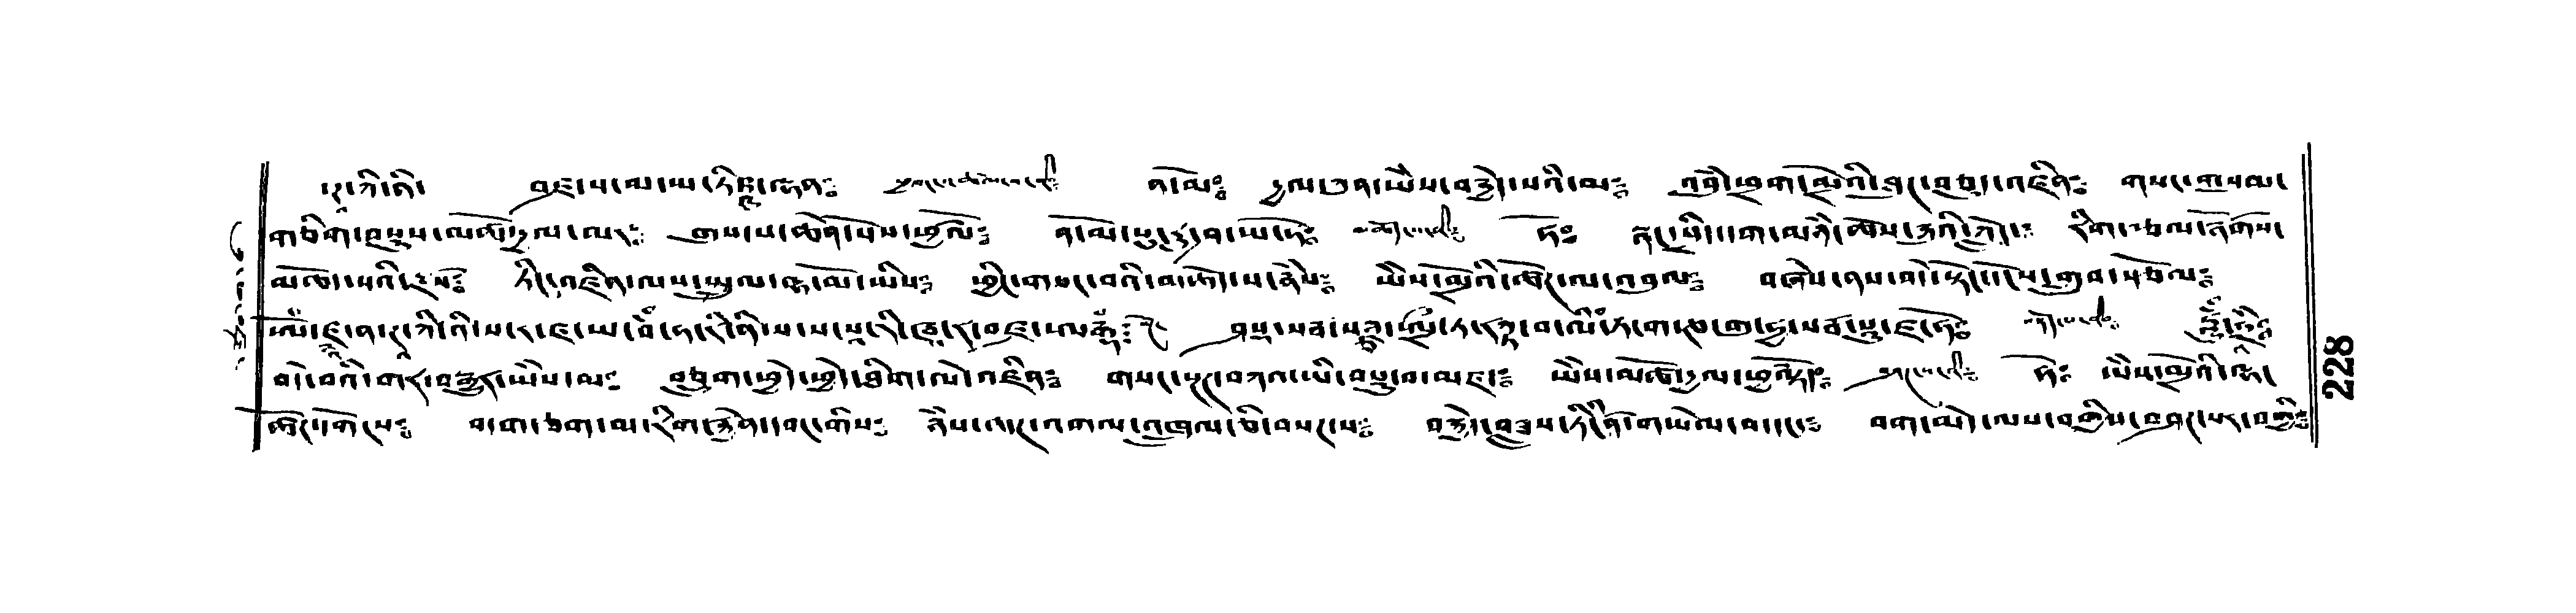ཌཱ་ཀི་ནི། བཛྲ་ས་མ་ཡ་ཏིཥྛ་ལྷན༔ ཕྱག་འཚལ་བ་ནི༔ ན་མོ༔ རྒྱལ་ཀུན་ཡེ་ཤེས་བསྐྱེད་པའི་མ༔ འབུམ་ཕྲག་མཁའ་འགྲོའི་ཐུགས་བཅུད་འཛིན༔ གསང་གསུམ་
གཅིག་བསྡུས་མཚོ་རྒྱལ་མར༔ གུས་པ་ཆེན་པོས་ཕྱག་འཚལ་ལོ༔ ན་མོ་པུ་རུ་ཤ་ཡ་ཧོཿ མཆོད་པ་ནི༔ ཧོཿ སྣང་སྲིད་དག་མཉམ་ཆོས་སྐུའི་ཀློང༔ རིག་རྩལ་སྣ་ཚོགས་
མཆོད་པའི་རྫས༔ ཏིང་འཛིན་ལས་སྤྲུལ་ལྷ་མོ་ཡིས༔ ཕྱི་ནང་གསང་བའི་མཆོད་པ་རྣམས༔ ཡེ་ཤེས་མཁའ་འགྲོའི་ཚོགས་ལ་འབུལ༔ བཞེས་ནས་བདེ་སྟོང་དངོས་གྲུབ་སྩོལ༔ 
ཨོཾ་ཛྙཱ་ན་ཌཱ་ཀི་ནི་ས་ར་ཛ་ཡ་བྃ་ཧ་རི་ནི་ས་པཱ་རི་ཝཱ་ར་བཛྲ་ཨརྒྷཾ༴ སོགས། ཤཔྡ་སརྦ་པཉྩ་ཨ་མྲྀ་ཏ་རཀྟ་བ་ལིཾ་ཏ་ག་ཎ་གུ་ཧྱ་སརྦ་པཱུ་ཛ་ཧོཿ བསྟོད་པ་ནི༔ ཧཱུྃ་ཧྲཱིཿ 
བདེ་བའི་གར་བསྒྱུར་ཡེ་ཤེས་མ༔ བཅུ་དྲུག་ཕྱེད་ཕྱེད་ཐིག་ལེ་འཛིན༔ གསང་སྔགས་བཀའ་ཡི་བསྡུ་བ་མཛད༔ ཡེ་ཤེས་མཚོ་རྒྱལ་ཕྱག་འཚལ་བསྟོད༔ བཤགས་པ་ནི༔ ཧོཿ ཡེ་ཤེས་མཁའ་འགྲོའི་ལྷ་
ཚོགས་དགོངས༔ བདག་ཅག་མ་རིག་རྐྱེན་དབང་གིས༔ ཉམས་ཆགས་འགལ་འཁྲུལ་ཅི་བསགས་པ༔ བསྐྱེད་བཟླས་ཏིང་འཛིན་གཡེལ་བ་དང༔ བག་མེད་ལས་བགྱིས་བཤགས་པར་བགྱི༔